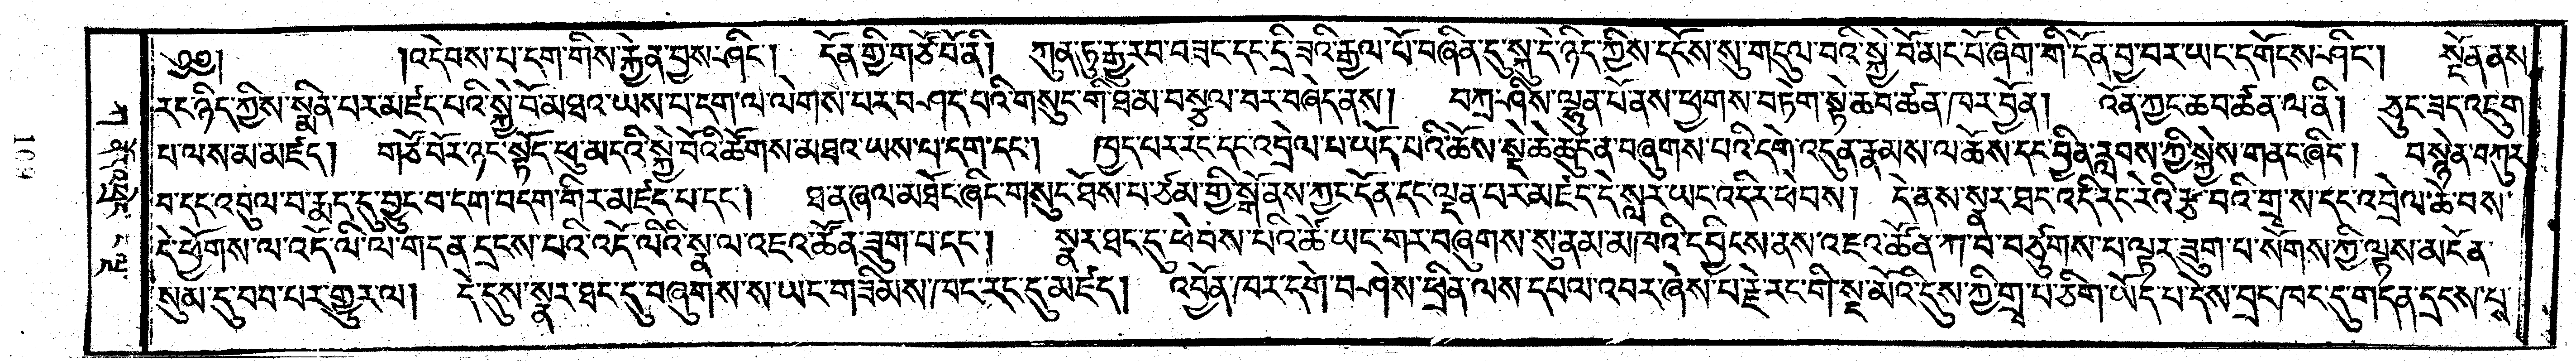༄༅། །འདེབས་པ་དག་གིས་རྐྱེན་བྱས་ཤིང་། དོན་གྱི་གཙོ་བོ་ནི། ཀུན་ཏུ་རྒྱུ་རབ་བཟང་དང་དྲི་ཟའི་རྒྱལ་པོ་བཞིན་དུ་སྐུ་དེ་ཉིད་ཀྱིས་དངོས་སུ་གདུལ་བའི་སྐྱེ་བོ་མང་པོ་ཞིག་གི་དོན་བྱ་བར་ཡང་དགོངས་ཤིང་། སྔོན་ནས་
རང་ཉིད་ཀྱིས་སྨིན་པར་མཛད་པའི་སྐྱེ་བོ་མཐའ་ཡས་པ་དག་ལ་ལེགས་པར་བཤད་པའི་གསུང་གི་ཐ་མ་བསྩལ་བར་བཞེད་ནས། བཀྲ་ཤིས་ལྷུན་པོ་ནས་ཕྱགས་བཏེག་སྟེ་ཆབ་ཚན་ཁར་བྱོན། འོན་ཀྱང་ཆབ་ཚན་ལ་ནི། ཅུང་ཟད་འདུག་
པ་ལས་མ་མཛད། གཙོ་བོར་ཉང་སྟོད་ཕུ་མདའི་སྐྱེ་བོའི་ཚོགས་མཐའ་ཡས་པ་དག་དང་། ཁྱད་པར་རང་དང་འབྲེལ་པ་ཡོད་པའི་ཆོས་སྡེ་ཆེ་ཆུང་ན་བཞུགས་པའི་དགེ་འདུན་རྣམས་ལ་ཆོས་དང་བྱིན་རླབས་ཀྱི་སྐྱེས་གནང་ཞིང་། བསྙེན་བཀུར་
བ་དང་འབུལ་བ་རྨད་དུ་བྱུང་བ་དག་བདག་གིར་མཛད་པ་དང་། ཐ་ན་ཞལ་མཐོང་ཞིང་གསུང་ཐོས་པ་ཙམ་གྱི་སྒོ་ནས་ཀྱང་དོན་དང་ལྡན་པར་མཛད་དེ་སླར་ཡང་འདིར་ཕེབས། དེ་ནས་སྣར་ཐང་འདི་རང་རེའི་རྩ་བའི་གྲྭ་ས་དང་འབྲེལ་ཆེ་བས་
དེ་ཕྱོགས་ལ་འདོ་ལི་ལ་གདན་དྲངས་པའི་འདོ་ལིའི་སྣ་ལ་འཇའ་ཚོན་ཟུག་པ་དང་། སྣར་ཐང་དུ་ཕེབས་པའི་ཚེ་ཡང་གར་བཞུགས་སུ་ནམ་མཁའི་དབྱིངས་ནས་འཇའ་ཚོན་ཀ་བ་བཙུགས་པ་ལྟར་ཟུག་པ་སོགས་ཀྱི་ལྟས་མངོན་
སུམ་དུ་བབ་པར་གྱུར་ལ། དེ་དུས་སྣར་ཐང་དུ་བཞུགས་ས་ཡང་གཟིམས་ཁང་རང་དུ་མཛད། འབྱོན་ཁར་དགེ་བཤེས་ཕྲིན་ལས་དཔལ་འབར་ཞེས་པ་རྗེ་རང་གི་སྔ་མོའི་དུས་ཀྱི་གྲྭ་པ་ཅིག་ཡོད་པ་དེས་བྲང་ཁང་དུ་གདན་དྲངས་པས་